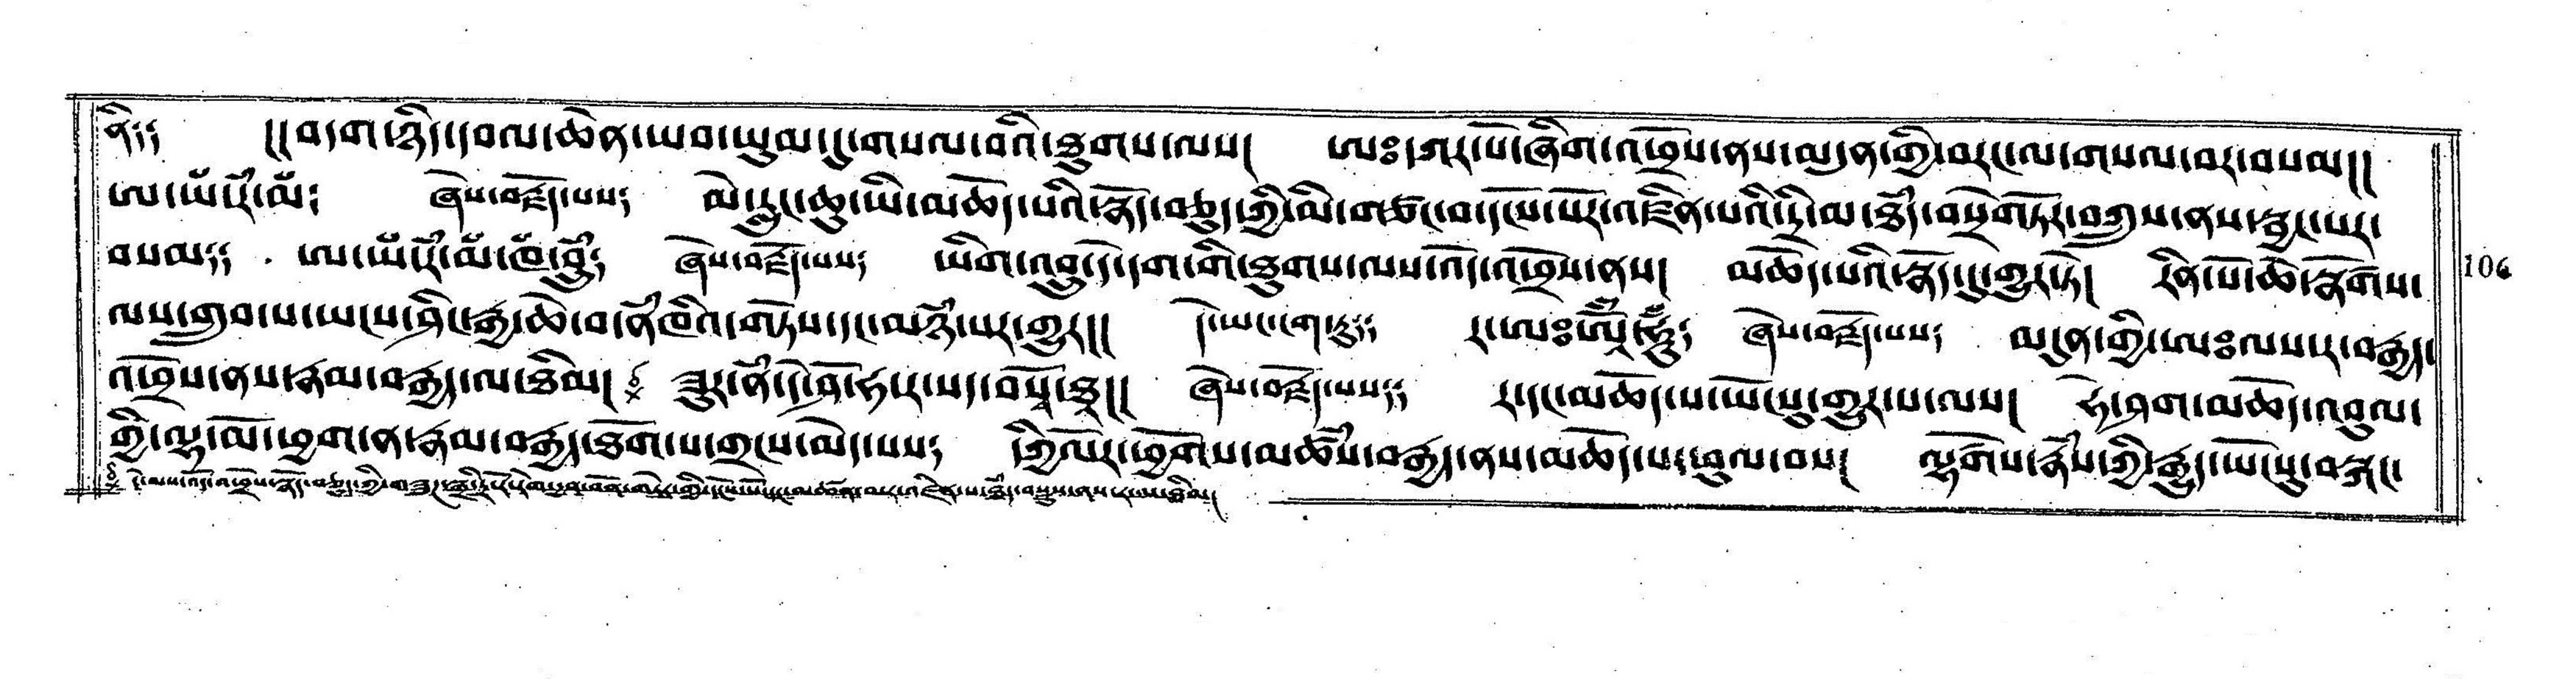ནི། །།བདག་ཉིད་དབལ་ཆེན་ཡབ་ཡུམ་དུ་གསལ་བའི་ཐུགས་ལས། ཨཿདཀར་པོ་ཞིག་འཕྲོས་ནས་མདུན་གྱི་བར་སྣང་ལ་གསལ་བར་བསམ།། 
ཨ་ཡཾ་རཾ་མཾ༴ ཞེས་བརྗོད་པས མེ་རླུང་ཆུ་ཡི་མཆོད་པའི་སྣོད་བཅུད་ཀྱི་མི་གཙང་བ་དངོས་པོར་འཛིན་པའི་དྲི་མ་ཐམས་ཅད་བསྲེག་གཏོར་བཀྲུས་ནས་སྦྱང་པར་
བསམ། ཨ་ཡཾ་རཾ་མཾ་ཁཾ་བྲུཾ ཞེས་བརྗོད་པས ཡིག་འབྲུ་དེ་དག་གི་ཐུགས་ལས་འོད་འཕྲོས་ནས། མཆོད་པའི་སྣོད་དུ་གྱུར་ཏེ། རིན་པོ་ཆེ་སྣ་ཚོགས་
ལས་གྲུབ་པ་ཡངས་ཤིང་རྒྱ་ཆེ་བ་ནམ་མཁའི་གཏོས་དང་མཉམ་པར་གྱུར།། དེ་ཡང་ངག་ཏུ ར་ཨཿཨཱོཾ་ཧཱུྃ ཞེས་བརྗོད་པས མདུན་གྱི་ཨཿལས་ར་བརྒྱད་
འཕྲོས་ནས་རྣམ་བརྒྱད་ལ་ཐིམ། དེ་ལས་འོད་འཕྲོས་སྣོད་བཅུད་ཀྱི་གཟུགས་སྒྲ་དྲི་རོ་རེག་རྒྱན་བོན་གཏེར་གྱི་དངོས་པོ་དང་མཚན་མར་འཛིན་པ་ཐམས་ཅད་བསྡུས་ནས་ར་ལ་ཐིམ། ཟུར་ནམ་དེ་ཤོ་ཧ་ར་སད་བསྭོ་ཐཱ།། ཞེས་བརྗོད་པས ར་དང་མཆོད་པ་ཡོངས་སུ་གྱུར་པ་ལས། ཧེ་ཤག་མཆོད་འབུལ་
གྱི་ལྷ་མོ་ཕྱག་ན་རྣམ་བརྒྱད་ཐོག་པ་གྲངས་མེད་པས དཀྱིལ་འཁོར་ཕྱོགས་མཚམས་བརྒྱད་ནས་མཆོད་པ་ཕུལ་བས། ལྷ་ཚོགས་རྣམས་ཀྱི་རྒྱུད་ཡོངས་སུ་བསྐང་